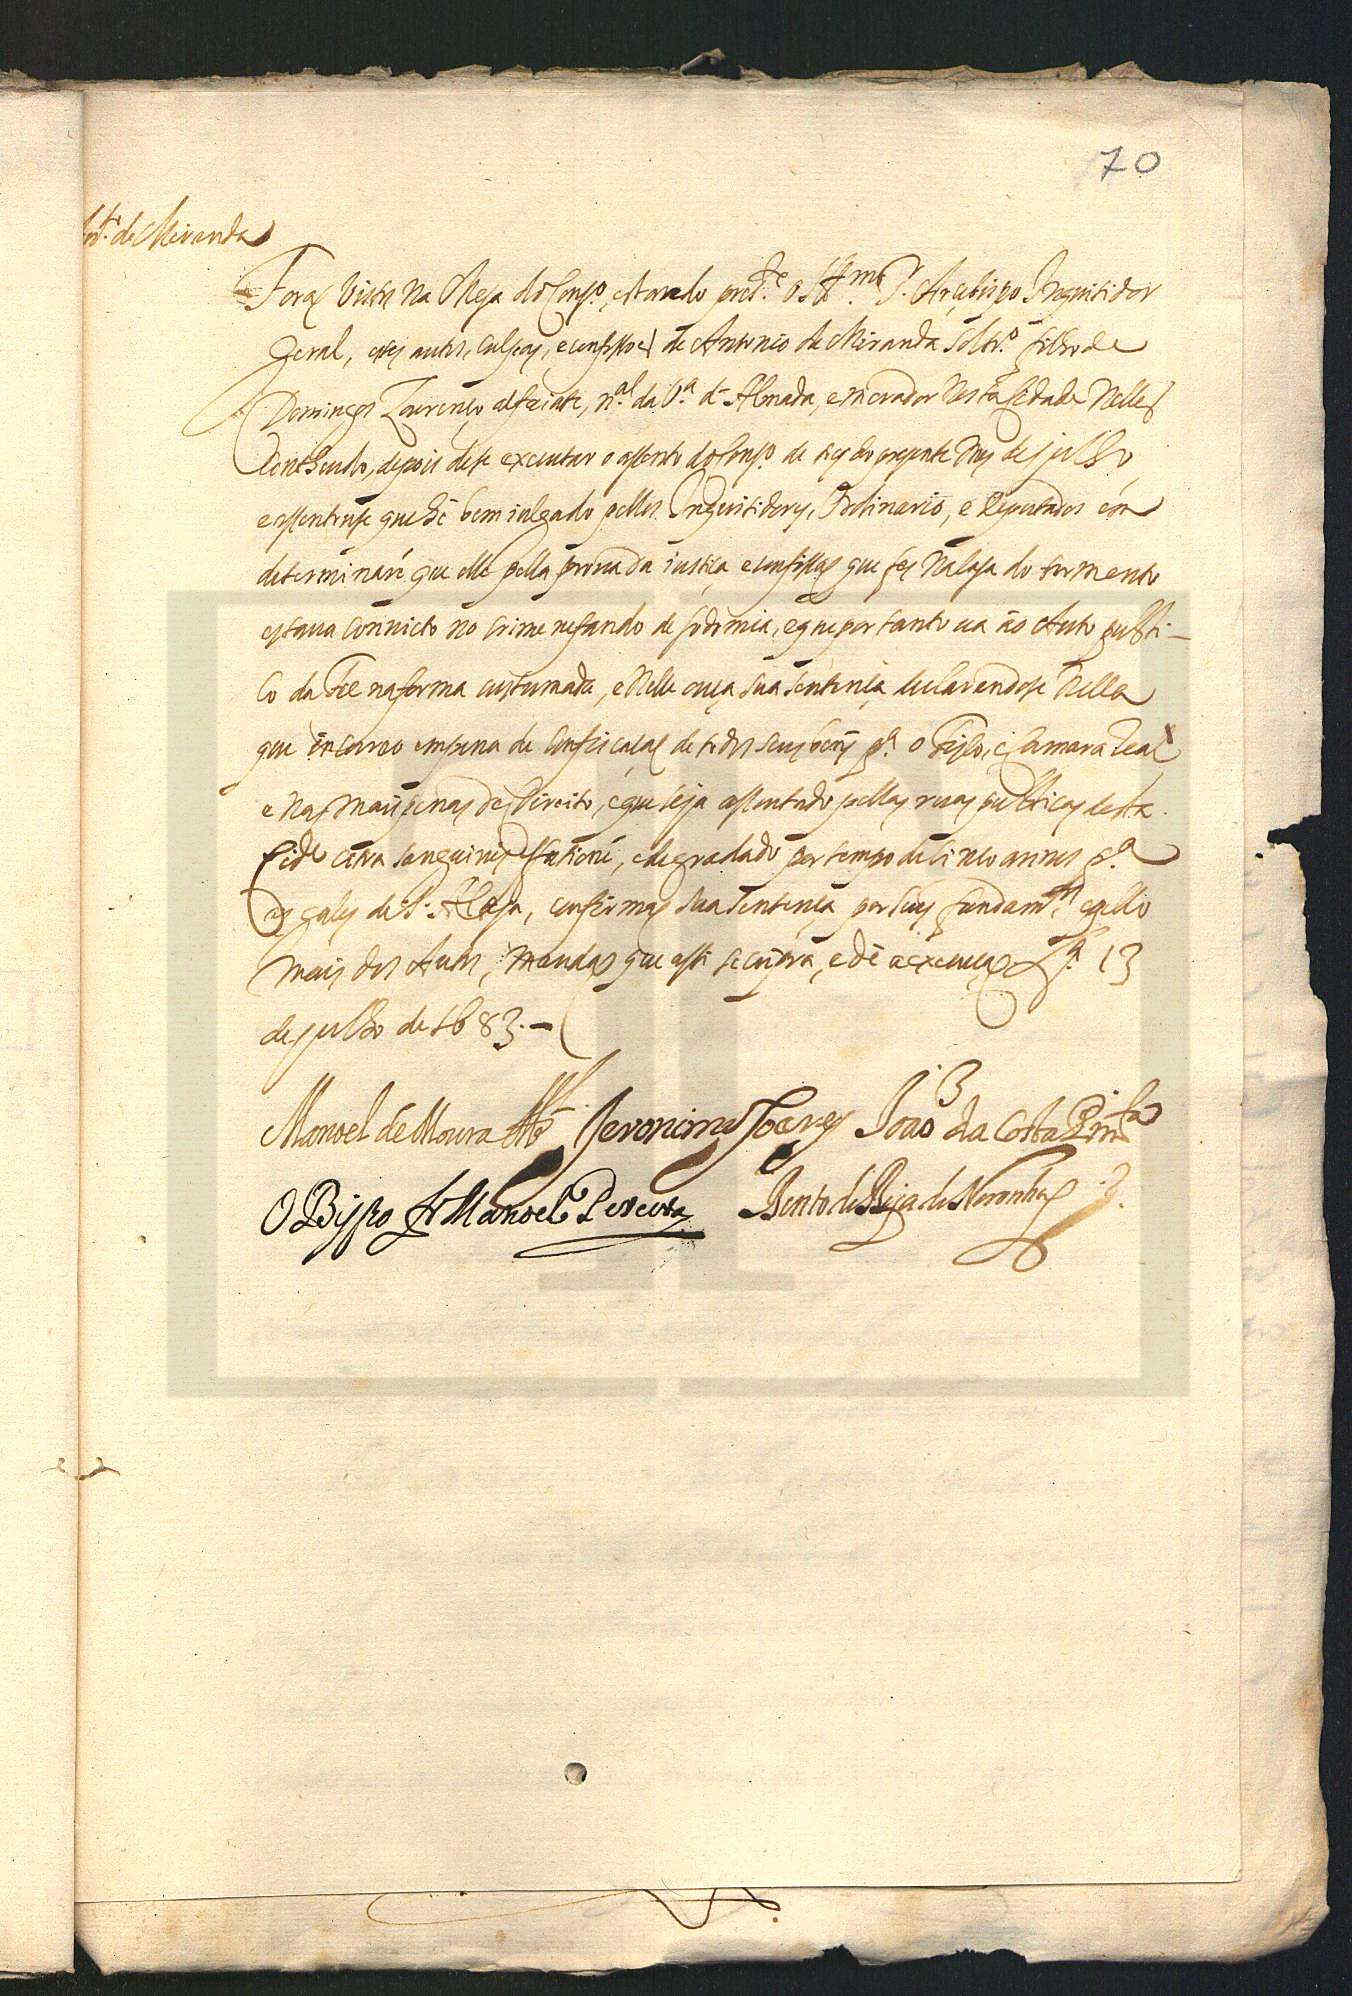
_nt.o de Miranda
Foraõ vistos na Mesa do Cons.o estando pres.te o Ill̄.mo S.r Arçebispo Inquisidor
Geral, estes autos, culpas, e confissoes̄ de Antonio de Miranda soltr.o filho de
Domingos Lourenço alfaiate, n.al da V.a de Almada, e morador nesta Cidade nelles
contheudo, depois de se executar o assento do Cons.o de tres do presente mes de julho,
e assentouse que hé bem iulgado pellos Inquisidores, Ordinario, e deputados em
determinarē que elle pella proua da iustiça e confissaõ que fes na casa do tormento
estaua conuicto no crime nefando de sodomia, e que portanto ua áo Auto publi
Co da Fee na forma custumada, e nelle ouça sua sentença declarandose nella
que incorreo em pena de confiscaçaõ de todos seus bens̄ p.a o Fisco, e Camara Real
e nas mais penas de Direito, e que seja assoutado pellas ruas publicas desta
Cide citra sanguinis effusionē, e degradado por tempo de cinco annos p.a
as gales de S. Altesa, confirmaõ sua sentença por seus fundamtos, e pello
mais dos Autos, mandaõ que assi se cūpra, e dē a execuçaõ Lx.a 13
de julho de 1683. ‒
